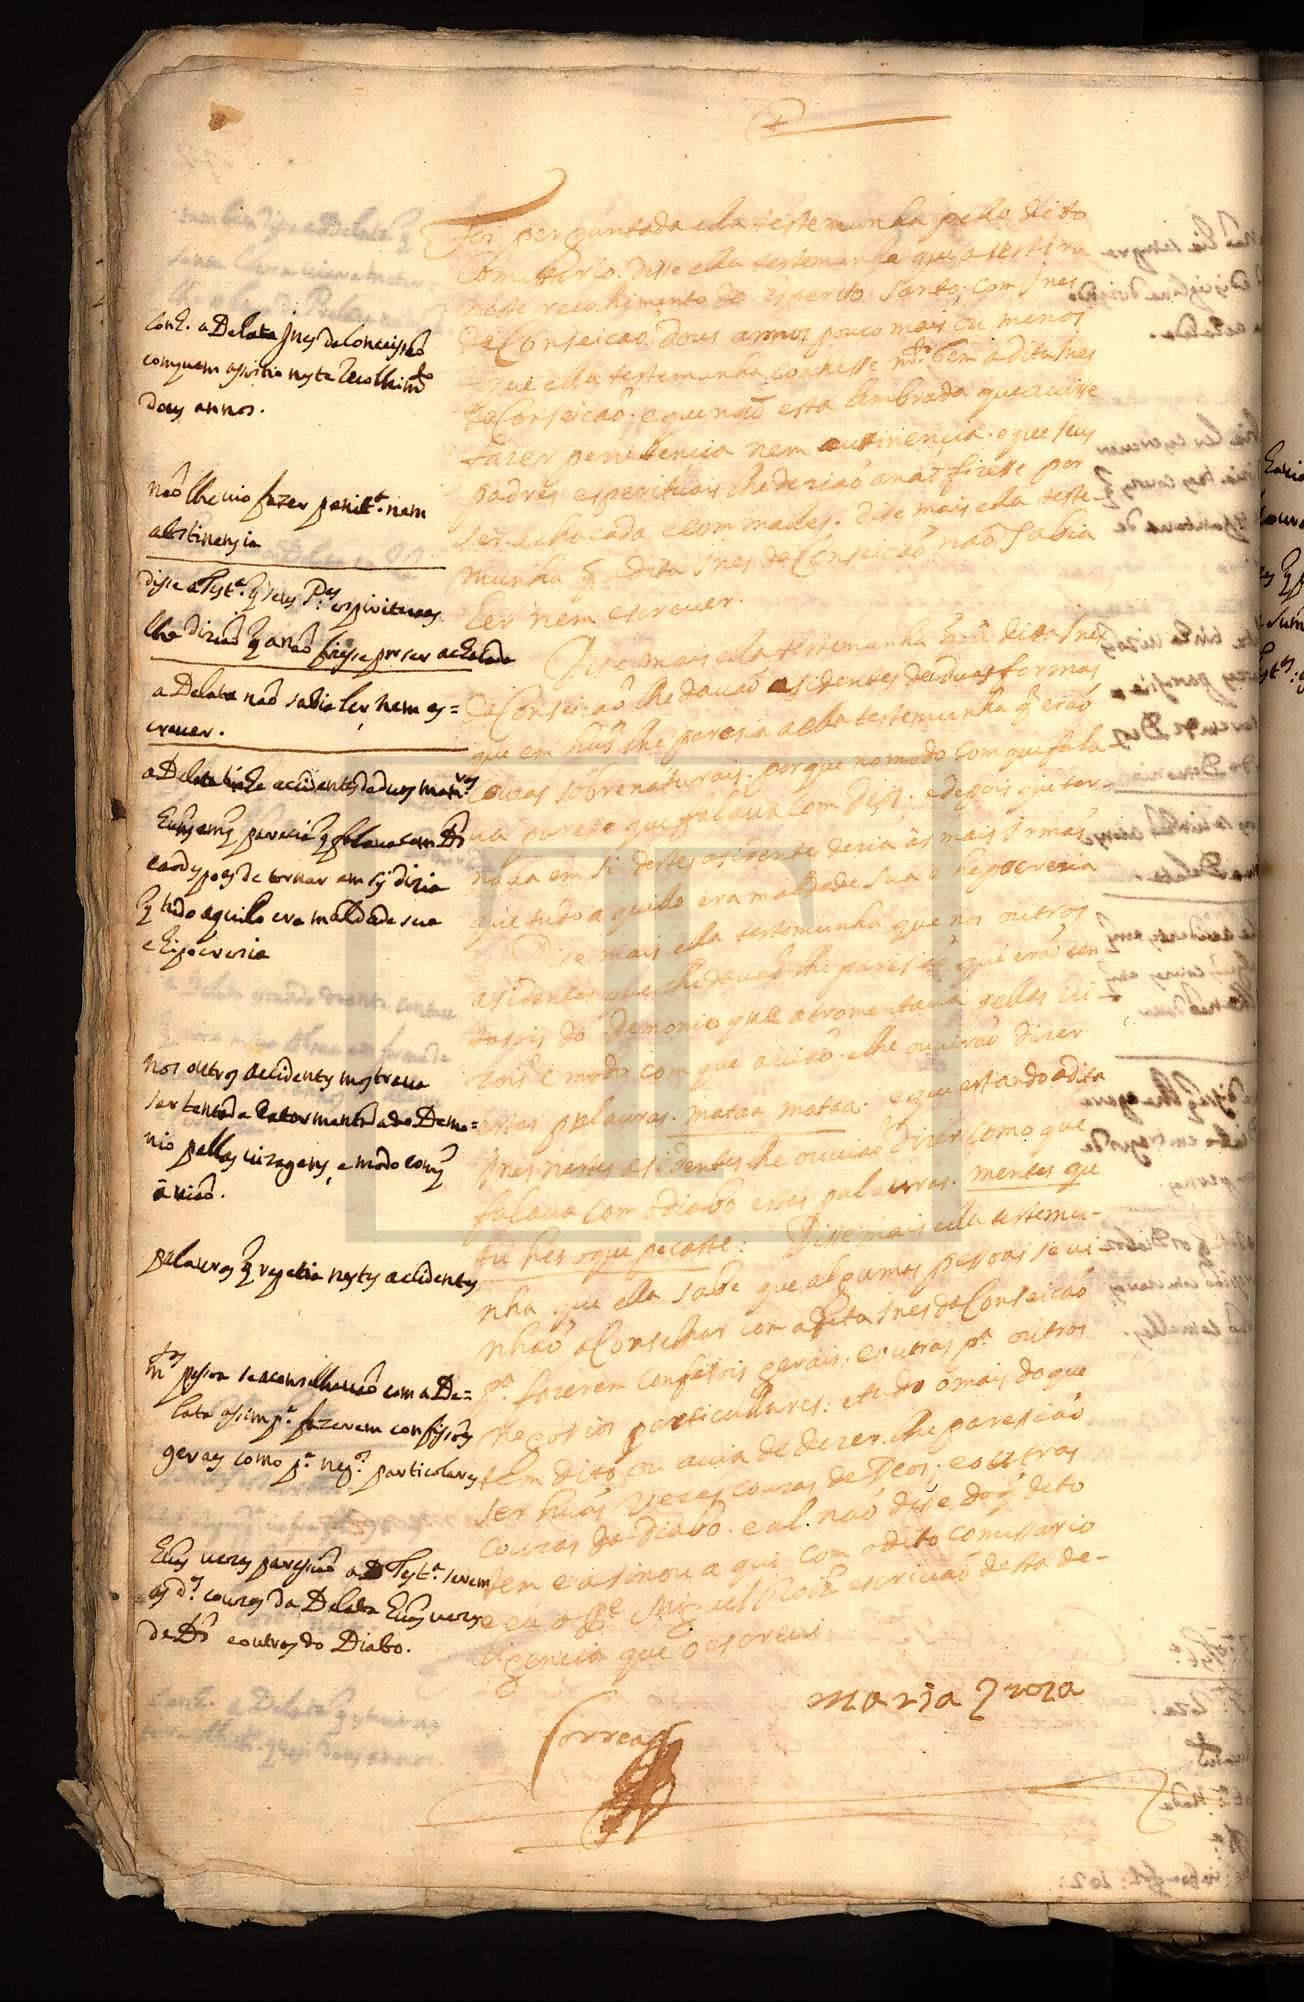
Foi perguntada ela testemunha pello dito
Comisario. disse ella testemunha que asestira
neste recolhimento do Esperito Santo, com Jnes
da Conseiçaõ dous annos pouco mais ou menos
que ella testemunha conhesse m.to bem a dita Ines
da Conseiçaõ, e que naõ esta lembrada que a uisse
fazer penitencia, nem austinencia. o que seus
padres esperituais lhe deziaõ a naõ fizesse por
ser achacada, e com malles. dise mais ella teste
munha q̄ dita Ines da Conseição naõ sabia
ler nem escreuer.
Dise mais ella testemunha q̄ â dita Ines
da Conseiçaõ lhe dauaõ asidenttes de duas formas
que em hus̄ lhe paresia a ella testemunha q̄ eraõ
couzas sobrenaturais. porque no modo com que fala
ua paresia que falaua com Deos; e depois que tor
naua em si destes asidente dezia âs mais Irmās
que tudo aquillo era maldade sua e hepocrezia.
Dise mais ella testemunha que nos outros
asidentes que lhe dauaõ lhe paresaõ que eraõ ten
tasois do Demonio que atromentaua pellas ui
zoĩs e modo com que a uiaõ. e lhe ouuiraõ dizer
certas palauras. matar matar. e que estando a dita
Ines nestes asidentes he ouuiaõ dizer como que
falaua com diabo estas palauras. mentes que
tu hes o que pecaste: Disse mais ella testemu
nha que ella sabe que algumas pessoas se ui
nhaõ aConselhar com a dita ines da Conseiçaõ
p.a fazerem confisois gerais, e outras p.a outros
negosios particullares: e tudo o mais do que
tem dito ou auia de dizer lhe paressiaõ
ser huās vezes couzas de Deos, e outras
couzas do diabo. e al naõ dise do que dito
tem e asinou aqui com o dito comissario
e eu o P.e Miguel Roiz̄ escriuāo desta de
ligencia que o escreui
Conh. a Delata Jnes da Conceissão
com quem assistio neste Recolhimto
dous annos.
naõ lhe uio fazer penit.a nem
abstinensia
disse a Test.a q̄ seus P.es espirituaes
lhe diziaõ q̄ a naõ fizesse por ser achacada
a Delata naõ sabia ler, nem es
creuer.
a Delata tinha accidentes de duas man.ras
huns em q̄ parecia q̄ falaua com Ds̄
e ao despoes de tornar em sy dizia
q̄ tudo aquilo era maldade sua
e hipocrezia
nos outros accidentes mostraua
ser tentada E atormentada do Demo
nio pellas uizagens, e modo com q̄
a uiaõ.
palavras q̄ repetia nestes accidentes
mtas pessoa se aconselhauaõ com a De
lata assim p.a fazerem confissões
geraes como p.a neg.os particolares
huās uezes paressiaõ a D Test.a serem
as d.as couzas da Delata huās uezes
de Ds̄ e outras do Diabo.
maria Roza
Correa
